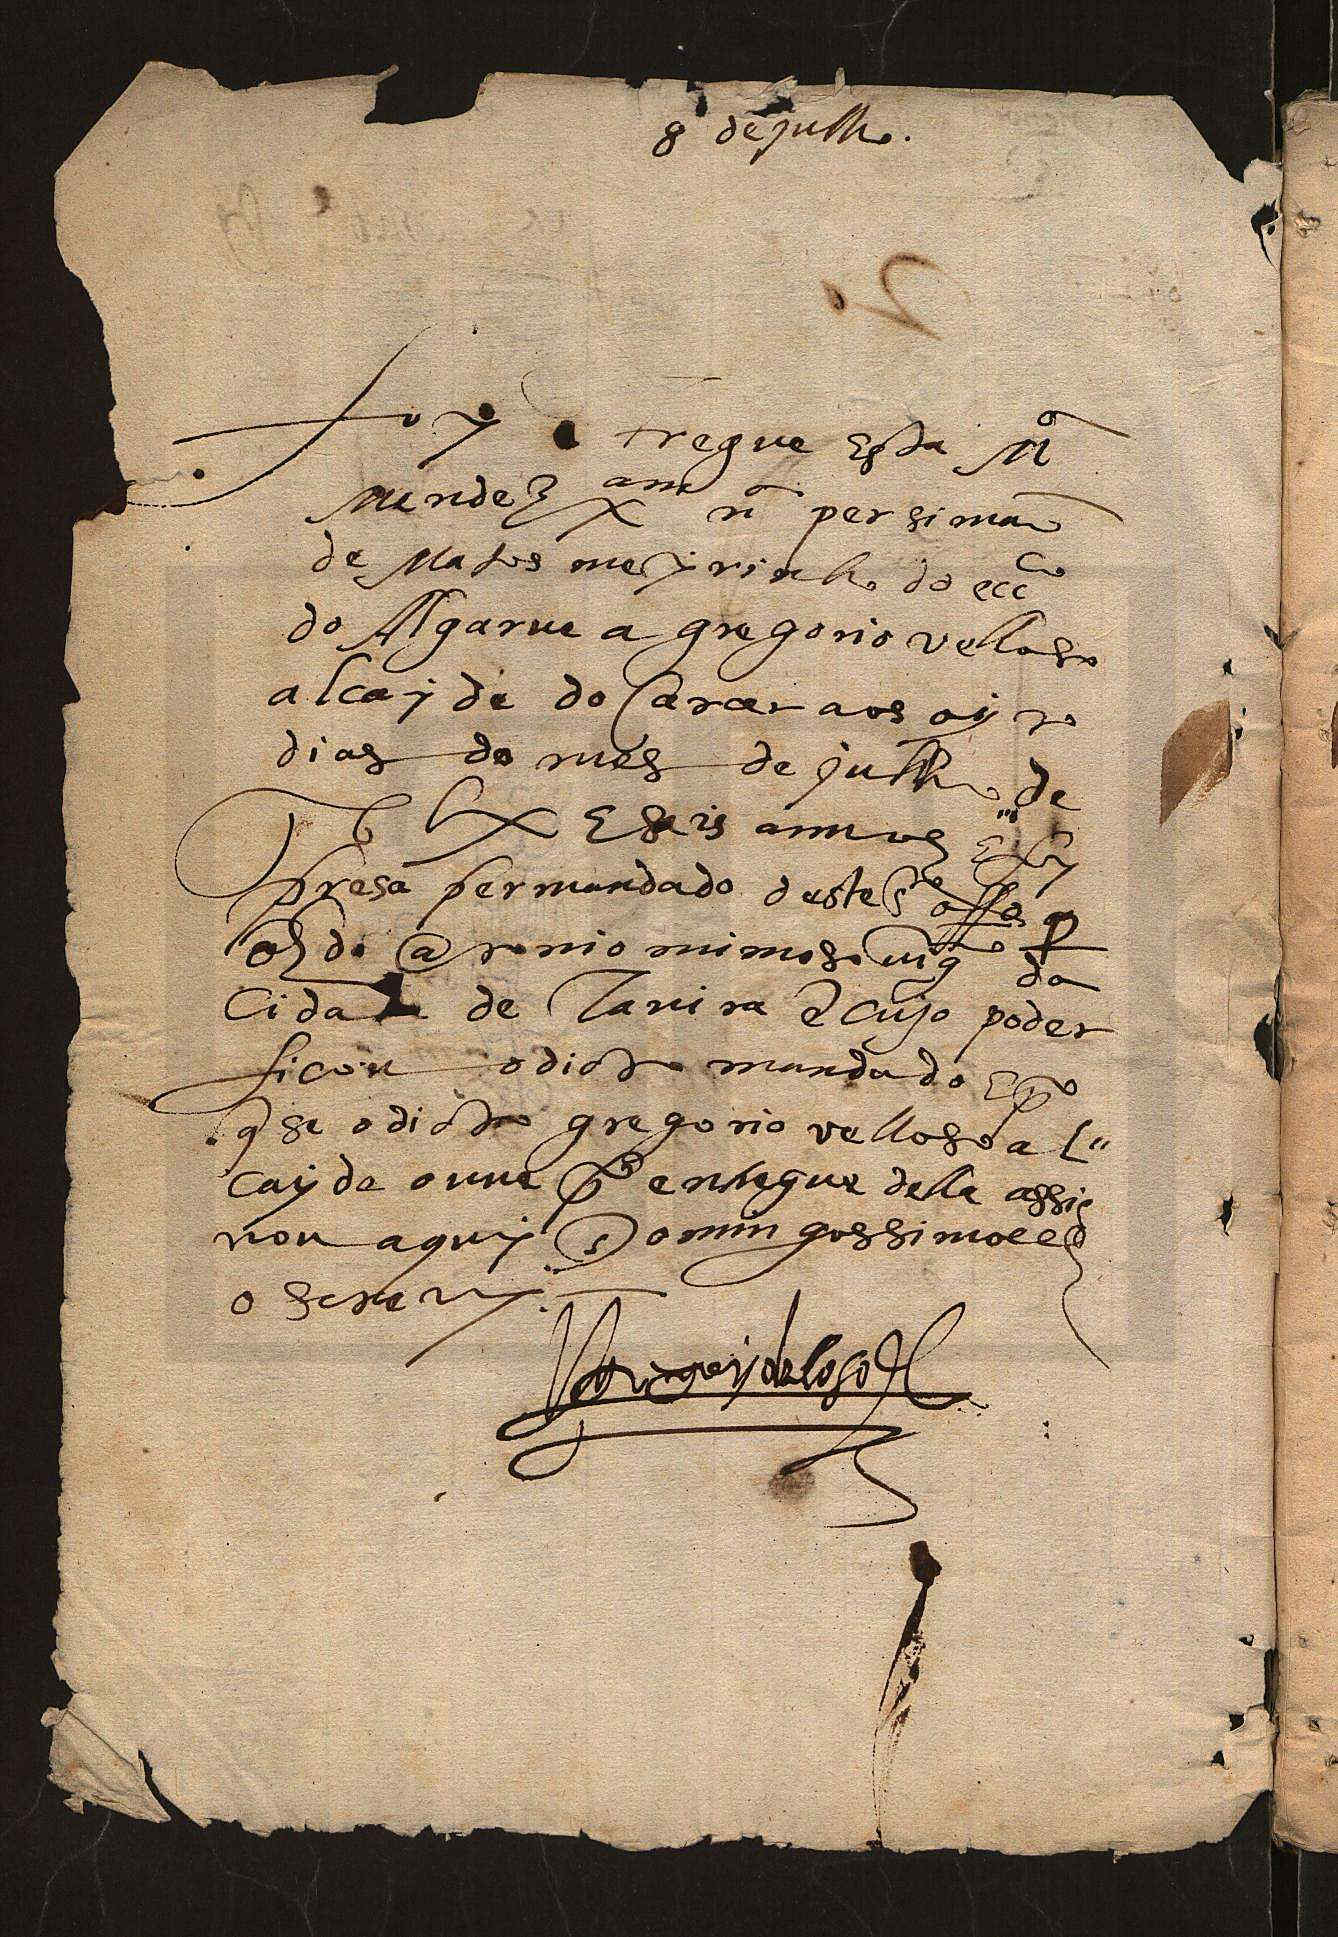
Foy e̅tregue Esta Ma
Mendez xam na per simão
de Matos meyrinho do eccco
do Algarue a gregorio velloso
alcayde do Carcer aos oyto
dias do mes de julho de
jblx E seis annos E foy
presa per mandado deste Sto offo ꝑ
o Ldo a̅tonio mimoso uigro da
Cidade de Tauira e̅ cujo poder
ficou o dicto mandado E p̅o
q̅ se o dicto gregorio velloso aL
cayde ouue p̅o entregue della assig
nou aquy Domingos simoees
o screuy
